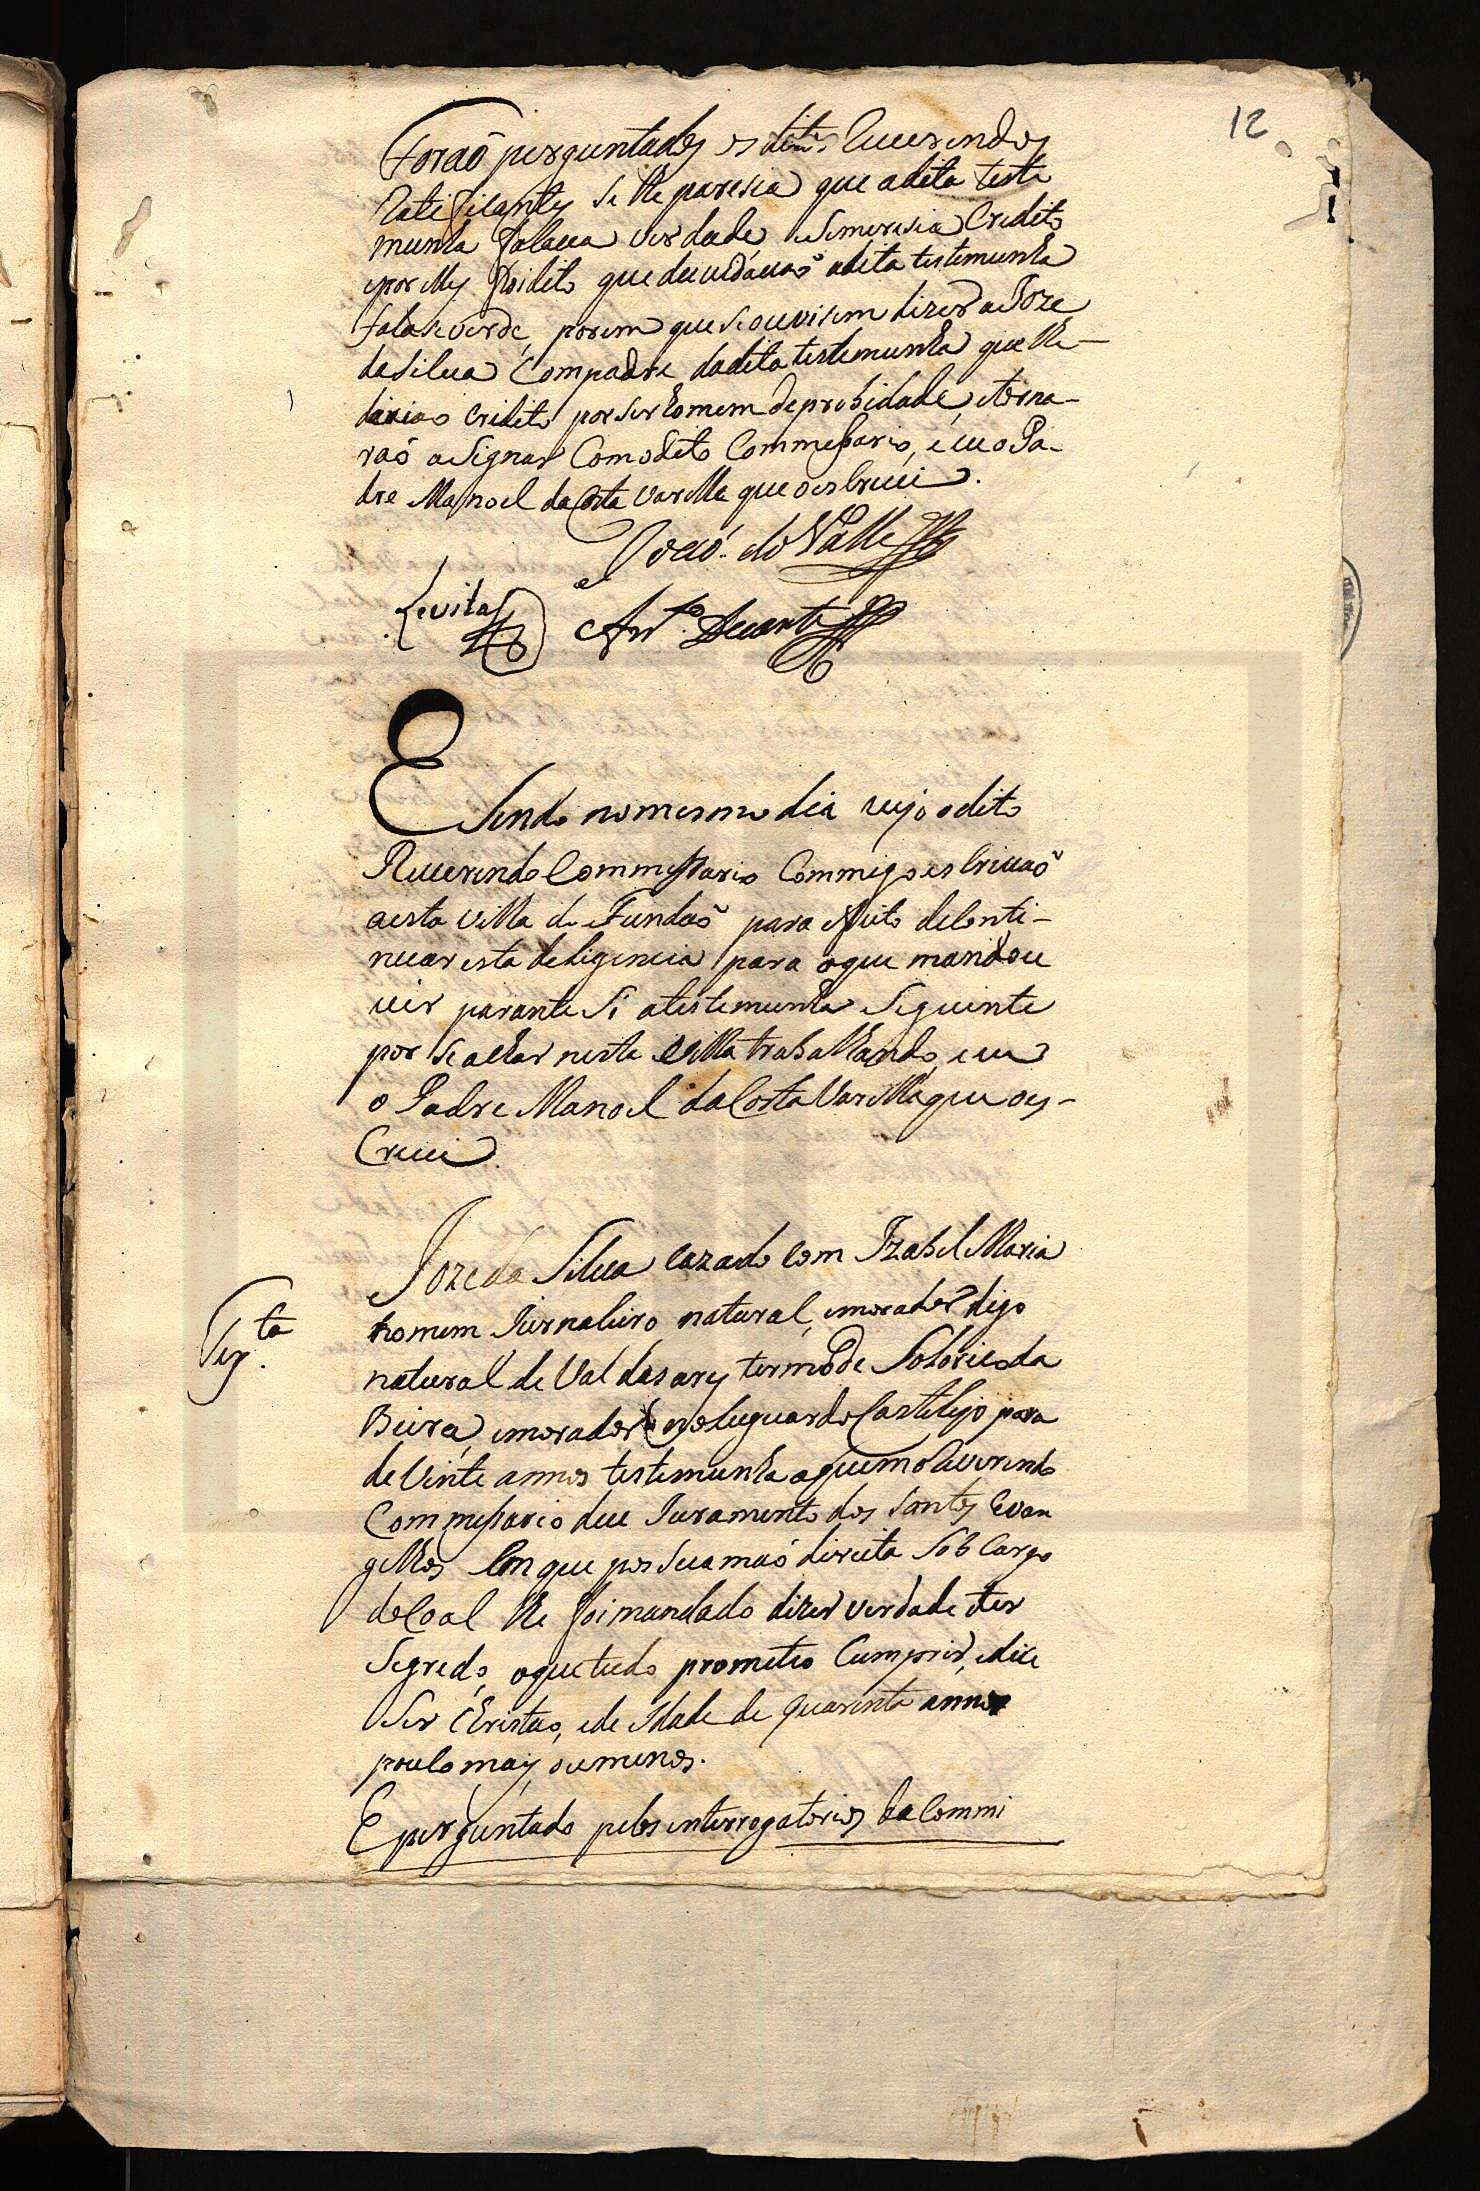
Foraõ perguntados os dit_ Reuerendos
Ratificantes se lhe paresia que a dita teste
munha falaua verdade, e se meresia Credito
e por elles foi dito que duuidauaõ a dita testemunha
falase verde, porem que se ouvisem dizer a Joze
da silua Compadre da dita testemunha que lhe
da_iao credito por ser homem de probidade, torna
raõ asignar Com o dito Commisario, e eu o Pa
dre Manoel da Costa Varella que o esCreui.
Joaõ do Valle
Levita
An.to Duarte
E sendo no mesmo dia uejo o dito
Reuerendo Commissario Commigo esCriuaõ
a esta uilla do Fundaõ para efeito de Conti
nuar esta deligencia para o que mandou
uir perante si a testemunha seguinte
por se achar nesta Villa trabalhando, e eu
o Padre Manoel da Costa Varella que o es
Creui.
Tes.ta
Joze da Silua cazado com Izabel Maria
homem jurnaleiro natural, e morador digo
natural de Val dasares termo de Solorico da
Beira, e morador no luguar do Castelejo para
de Vinte annos testemunha a quem o Reuerendo
Commissario deu Iuramento dos santos Euan
gelhos Em que pos sua maõ direita sob Cargo
de Coal lhe foi mandado dizer verdade ter
Segredo, o que tudo prometeo Cumprir, e dice
Ser Christao, e de Idade de quarenta annos
pouco mais, ou menos.
E perguntado pelos interrogatorios da Commi
